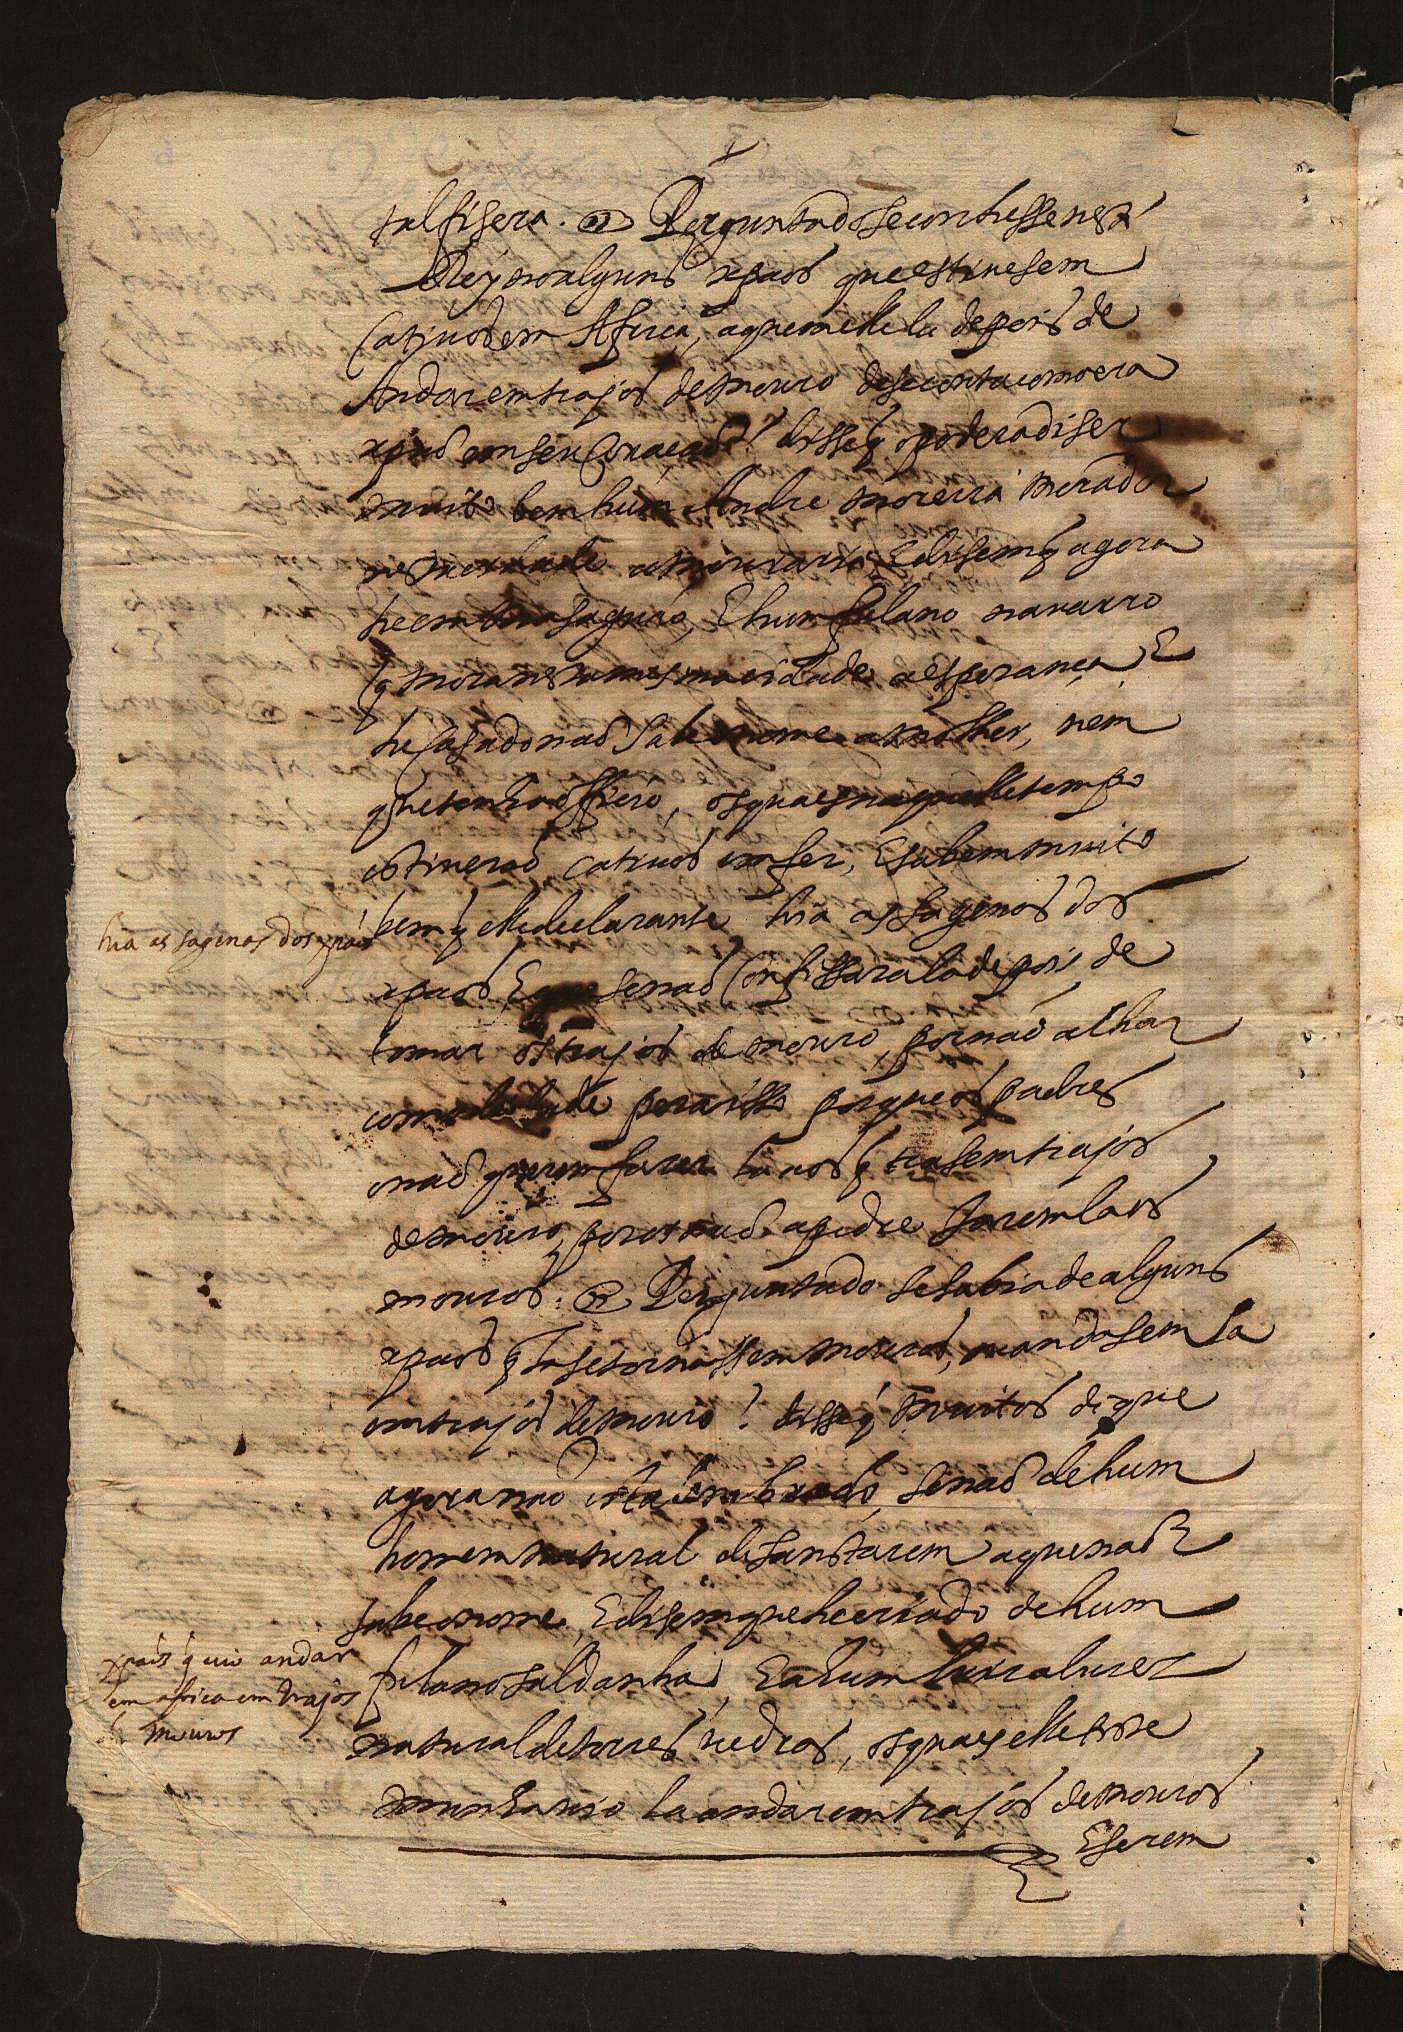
tal fizera. ⁋ Perguntado se conhesse neste
Reyno alguns xpaõs que estiuesem
Catiuos em Africa, a quem elle la depois de
Andar em trajos de mouro dese conta como era
xpaõ em seu Coraçaõ? disse q̄ o podera diser
muito bem hum Andre moreira morador
nesta cidade a mouraria, E disem q̄ agora
he em Masaguaõ, E hum fulano nauarro
q̄ mora nesta mesma cidade a esperança E
he Cazado naõ sabe o nome a molher, nem
que tenha officio, os quaes naquelle tempo
estiueraõ catiuos em fez, E sabem muito
bem q̄ elle declarante hia as sagenas dos
hia as sagenas dos xpaõs
xpaõs E que se naõ Confessara la depois de
tomar os trajos de mouro, por naõ achar
comodidade pera isso porque os padres
o naõ querem fazer la nos q̄ trasem trajos
de mouro, por os naõ apedrejarem la os
mouros. ⁋ Perguntado se sabia de alguns
xpaõs q̄ la se tornassem mouros, ou andasem la
em trajos de mouro? disse q̄ muitos de que
agora naõ esta lembrado, senaõ de hum
homem natural de sanctarem a que naõ
sabe o nome, E disem que he criado de hum
xpaõs q̄ uio andar
em africa em trajos
de mouros
fulano saldanha, E a hum luiz alurez
natural de torres uedras, os quaes elle teste
munha uio la andar em trajos de mouros
E serem
